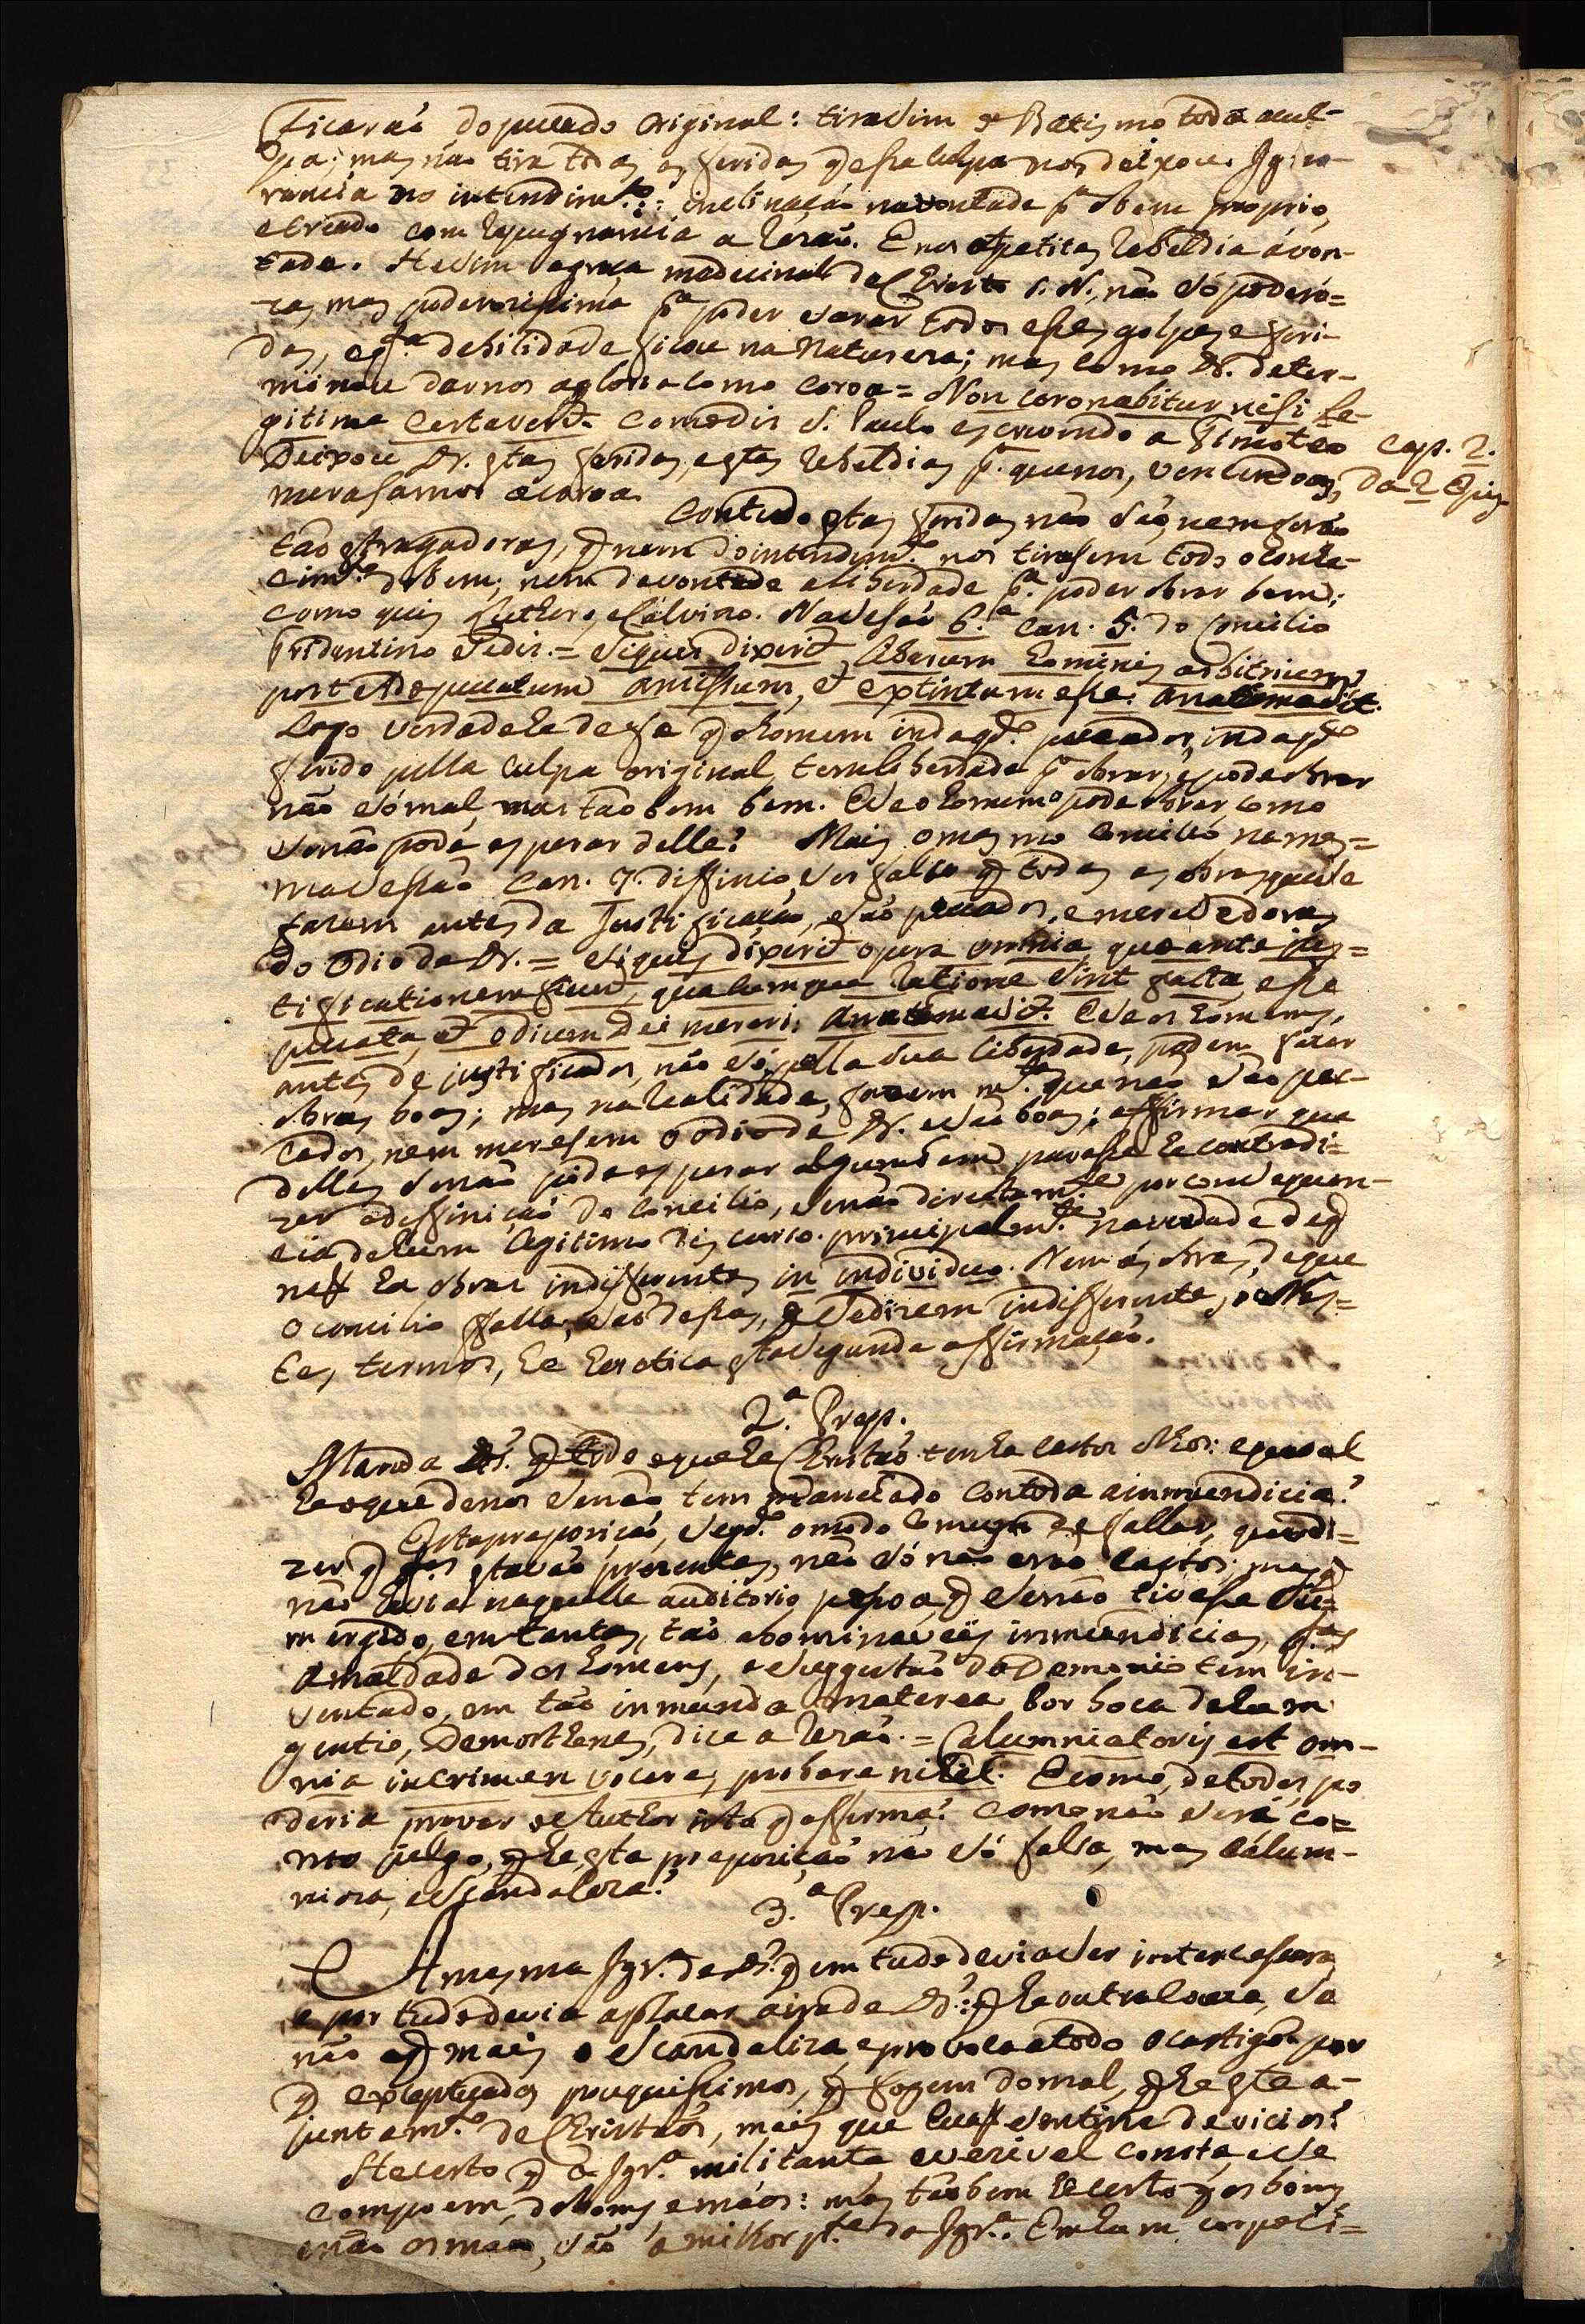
Ficaraõ do peccado original: tira sim o Batismo todo a cul
pa; mas não tira todas as feridas q̄ essa culpa nos deixou Jgno
rancia no intendim.to: inclinação na vontade pa o bem proprio,
e creado com Repugnancia a Rezaõ. E nos Apetites Rebeldia á von
tade. He sim a graça medicinal de Christo s. N., não só poderó
za, mas poderozissima pa poder sarar todos esses golpes e feri
das, e q.ta debilidade ficou na Natureza; mas como Ds. deter
minou darnos a gloria como coroa = Non coronabitur nisi Le
gitima certaverit como dis S. Paulo escrevendo a Timoteo
cap.2.
da 2 Epis.
Deixou Ds. estas feridas, estas Rebeldias p.a que nos, vencendo as
merasamos a coroa
Contudo estas feridas não saõ, nem serão
tão estragadoras, q̄ nem do intendim.to nos tirasem todo o conhe
cim.to do bem; nem da vontade e Liberdade p.a poder obrar bem;
como quis Luthero e Calvino; Na sesaõ 6.a can. 5. do Concilio
Tridentino se diz.= si quis dixerit Liberum hominis arbitrium
post Adae peccatum amissum, et extintum esse: anathema sit
Logo verdade he dese q̄ homem inda qd.o peccador inda qdo
ferido pella culpa original, tem liberdade pa obrar, e pode obrar
não só mal, mas tãobem bem. E se o homem o pode obrar, como
se não pode esperar delle? Mais o mesmo Concilio, na mes
ma sessaõ can. 7. diffinio ser falco q̄ todas as obras que se
fazem antes da Justificação, saõ peccados, e meresedoras
do Odio de Ds. = si quis dixerit opera omnia quae ante jus
tificationem fiunt, quacumque Ratione sint facta, esse
peccata, et odium Dei mereri: anathema sit. E se os homens,
antes de justificados, não só pella sua Liberdade, podem fazer
obras boas; mas na Realidade, fazem m.tas que naõ são pec
cados, nem meresem o odio de Ds. e são boas; affirmar que
delles senaõ pode esperar algums
em pasasse
he contradi
zer a deffiniçaõ do concilio, senão directam.te por consequen
cia de hum Legitimo discurso. principalm.te. na verdade de q̄
naꝭ ha obraz indifferentes in individuo. Nem as obras, de que
o concilio ffalla, saõ dessas, q̄ se dizem indifferente, e Nes
tes termos, he heretica esta segunda affirmaçaõ.
2.a Prop.
Manda Ds̄. q̄ tudo e que he Christaõ tenha castoz olhos: e qual
he o que de nos senão tem manchado con toda a inmundicia?
Esta prepoziçaõ, segd.o o modo e meyo de fallar, que di
zer q̄ t.os estavaõ prezentes, não só não erão castos; mas q̄
não havia naquelle auditorio pessoa q̄ se não tivesse ca
rrergado, em tantos, taõ abonimaveis inmundicias, q.tas
a maldade dos homens, a suggestaõ do Demonio tem in
ventado, em tão inmunda materea Por boca de hum
gentio, Demosthenes, dice a Rezaõ. = Calumniatoris est om
nia incrimen vocare; probare nihil. E como, de todos po
deria provar o Author isto q̄ affirma? como não será co
nto julgo q̄ he esta prepoziçaõ não só falsa, mas Cálum
nioza, e scandaloza?
3.a Prep.
A mesma Jgr.a de Ds̄? q̄ em tudo devia ser intercessora
e por tudo devia aplacar a iyra de Ds̄?: q̄ he outra Couza, se
não a q̄ mais o escandaliza, e provoca a todo o castigo? por
D. exceptuados pouquissimos, q̄ fogem do mal, q̄ he este a
juntam.to de Christaõs, mais que huā sentina de vicios?
Sta certo q̄ a Jgr.a militante e vezivel consta, e se
compoem, de boms e máos: más tãobem he certo q̄ os bons
e não os máos, são a milhor p.te da Jgr.a Em hum corpo ci
